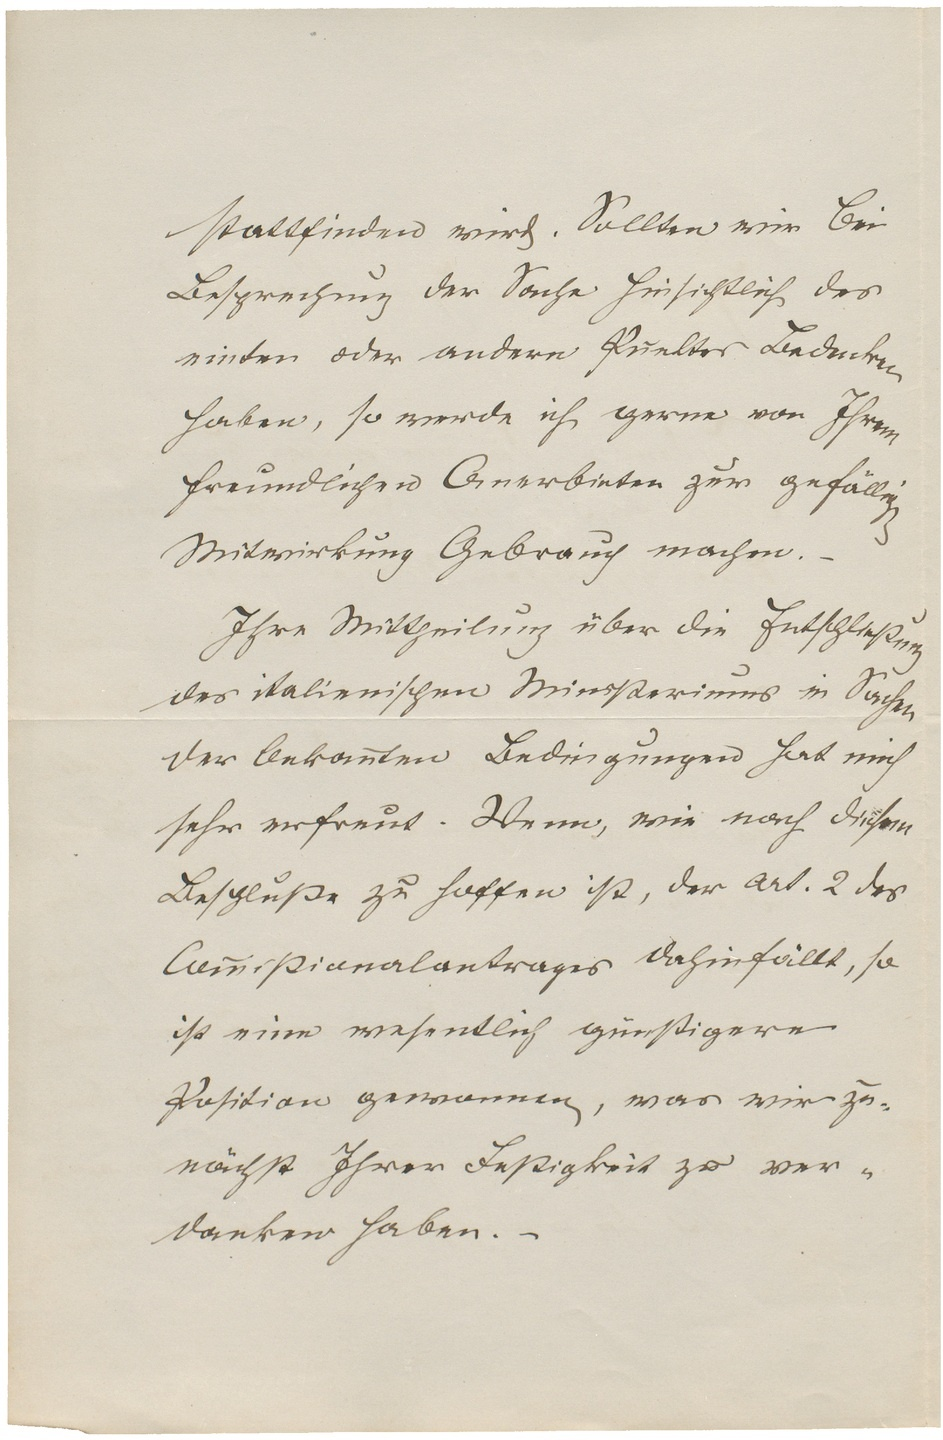stattfinden wird. Sollten wir bei
Besprechung der Sache hinsichtlich des
einten oder andern Punktes Bedenken
haben, so werde ich gerne von Ihrem
freundlichen Anerbieten zur gefälligen
Mitwirkung Gebrauch machen. –
Ihre Mittheilung über die Entschließung
des italienischen Ministeriums in Sachen
der bekannten Bedingungen hat mich
sehr erfreut. Wenn, wie nach diesem
Beschluße zu hoffen ist, der Art. 2 des
Commißionalantrages dahinfällt, so
ist eine wesentlich günstigere
Position gewonnen, was wir zu-
nächst Ihrer Festigkeit zu ver-
danken haben. –